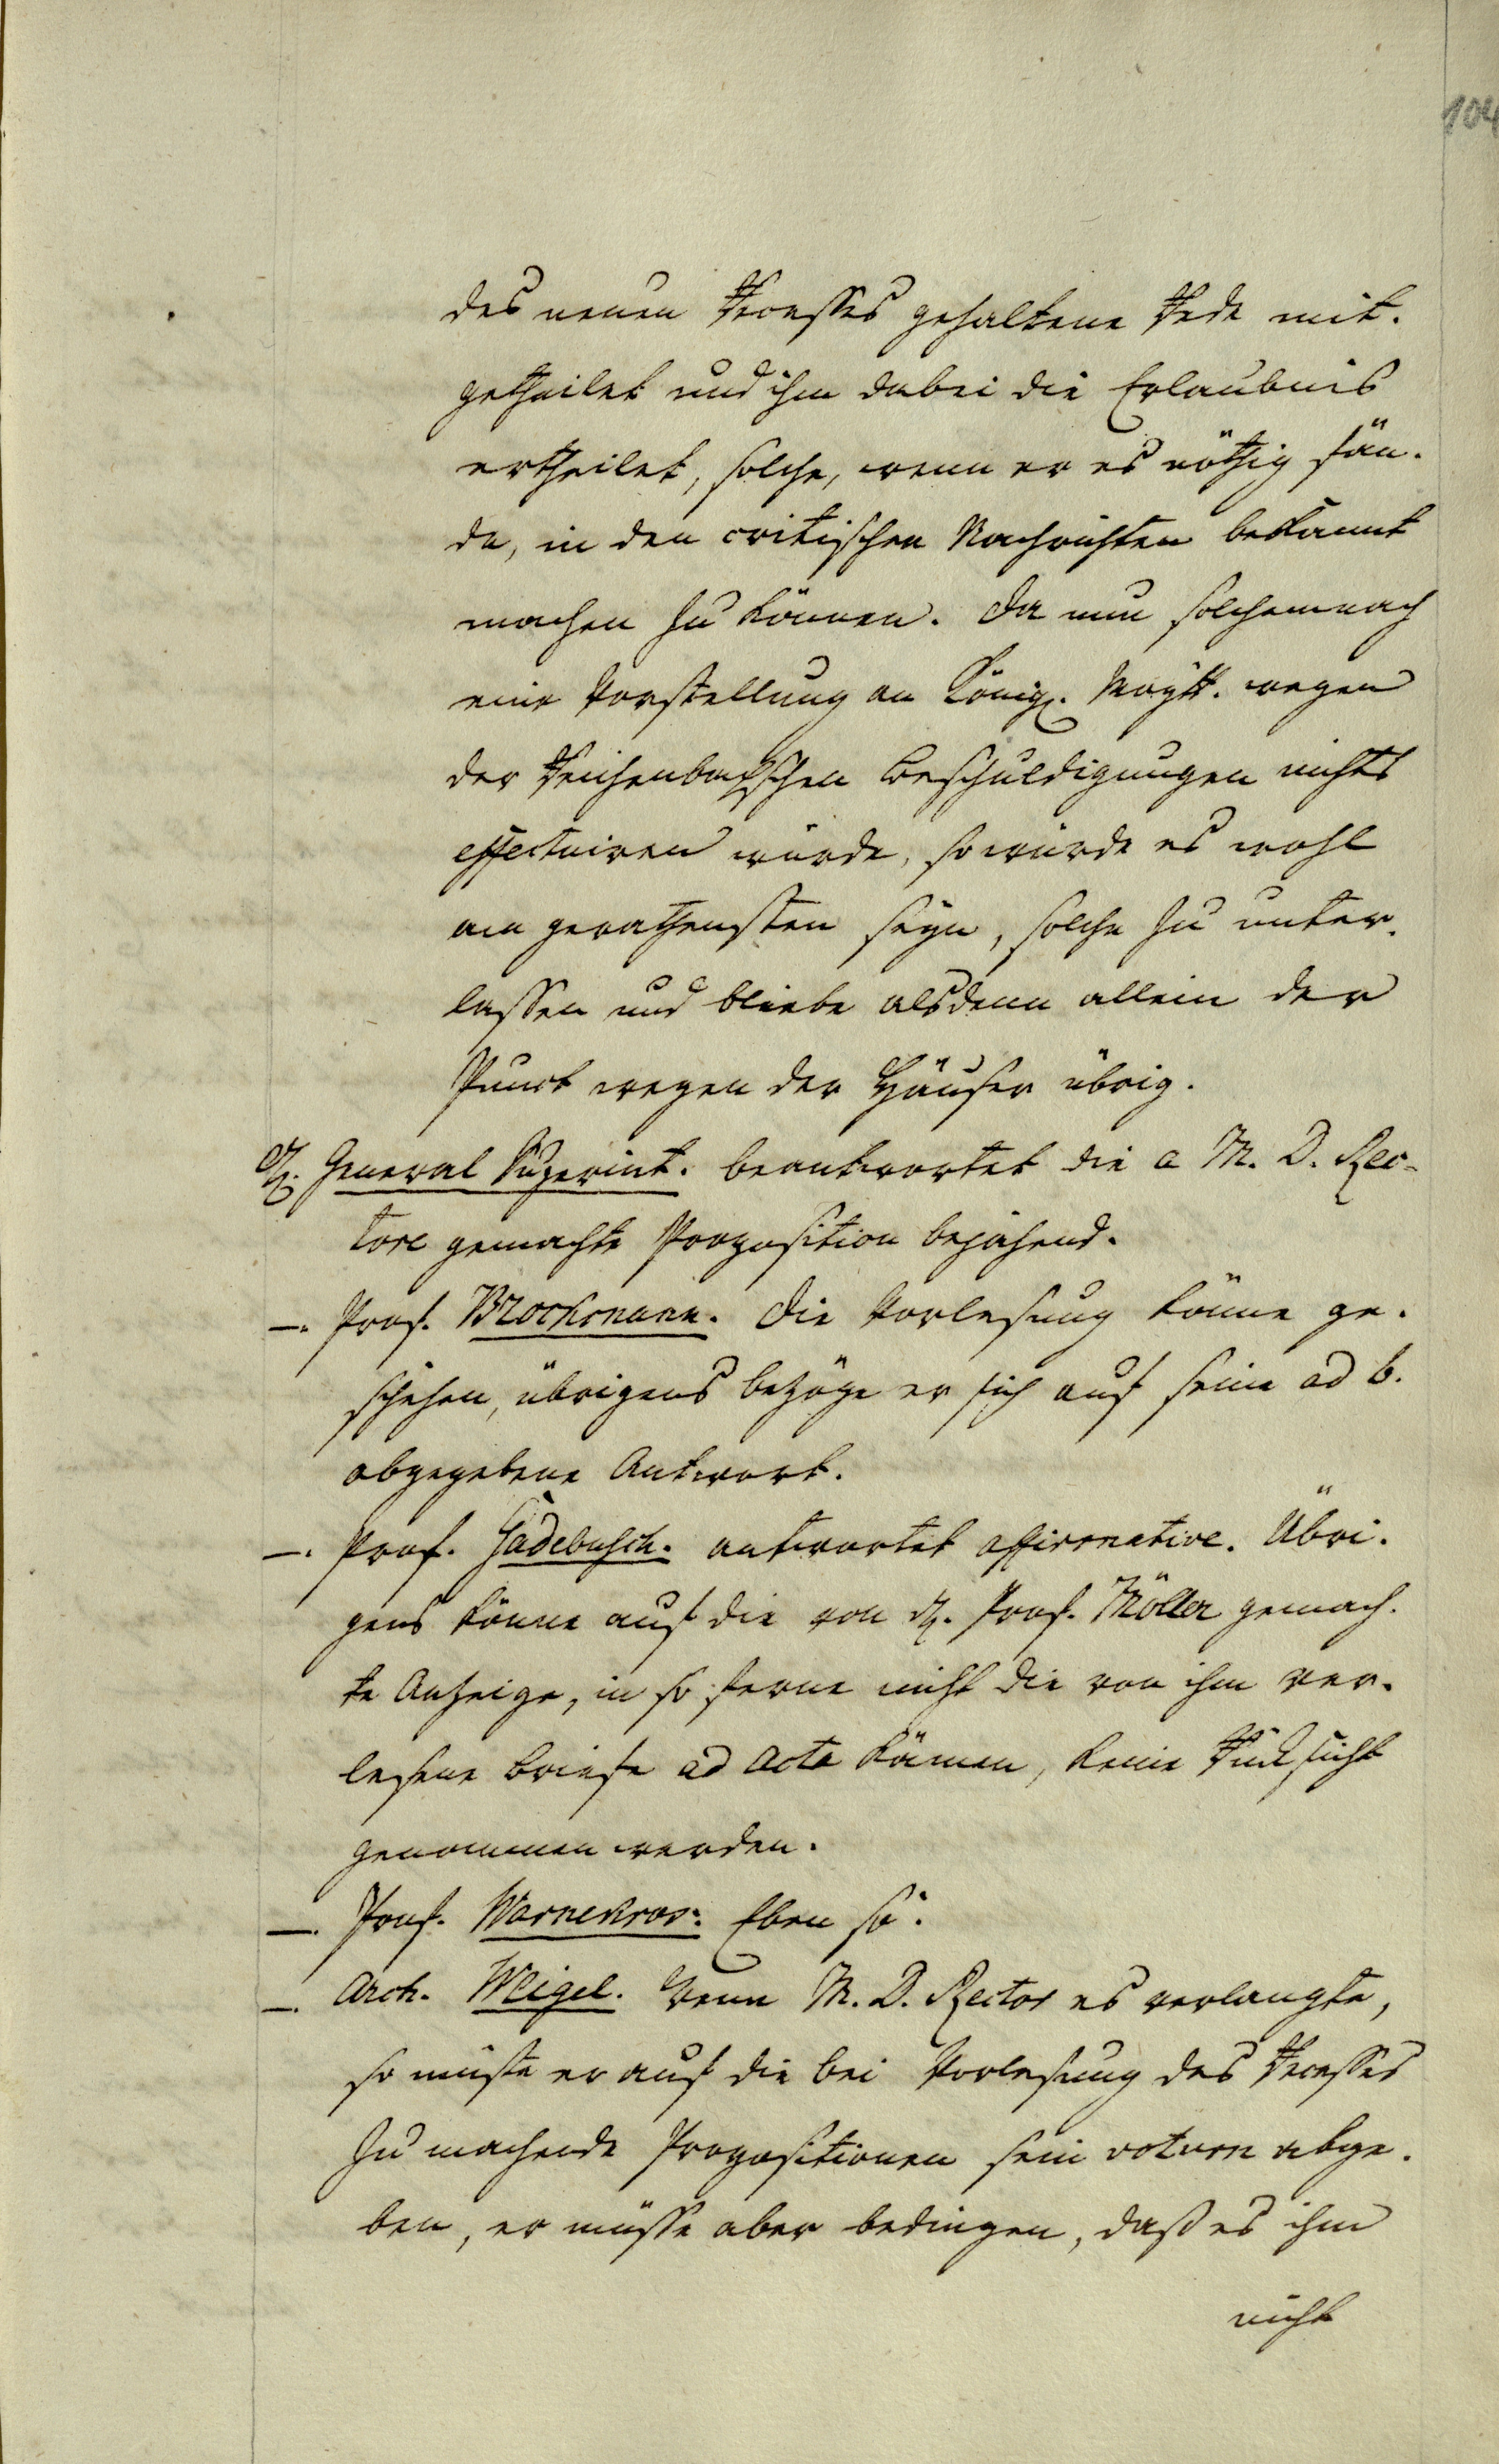des neuen Recesses gehaltene Rede mit¬
getheilet und ihm dabei die Erlaubnis
ertheilet, solche, wenn er es nöthig fän¬
de, in den critischen Nachrichten bekannt
machen zu können. Da nun solchemnach
eine Vorstellung an Königl. Maÿtt. wegen
der Reichenbachschen Beschuldigungen nichts
effectuiren würde, so würde es wohl
am gerathensten seÿn, solche zu unter¬
lassen und bliebe alsdenn allein der
Punct wegen der Häuser übrig.
dh. General Superint. beantwortet die a M. D. Rec¬
tore gemachte Proposition bejahend.
Prof. Brockmann. Die Vorlesung könne ge¬
schehen übrigens bezöge er sich auf seine ad b.
abgegebene Antwort.
Prof. Gadebusch. antwortet affirmative. Übri¬
gens könne auf die von dh. Prof. Möller gemach¬
te Anzeige, in so ferne nicht die von ihm ver¬
lesene Briefe ad Acta kämen, keine Rücksicht
genommen werden.
Prof. Warnekros. Eben so.
Arch. Weigel. Wenn M. D. Rector es verlangte,
so müßte er auf die bei Vorlesung des Recesses
zu machende Propositionen sein votum abge¬
ben, er müsse aber bedingen, daß es ihm
nicht